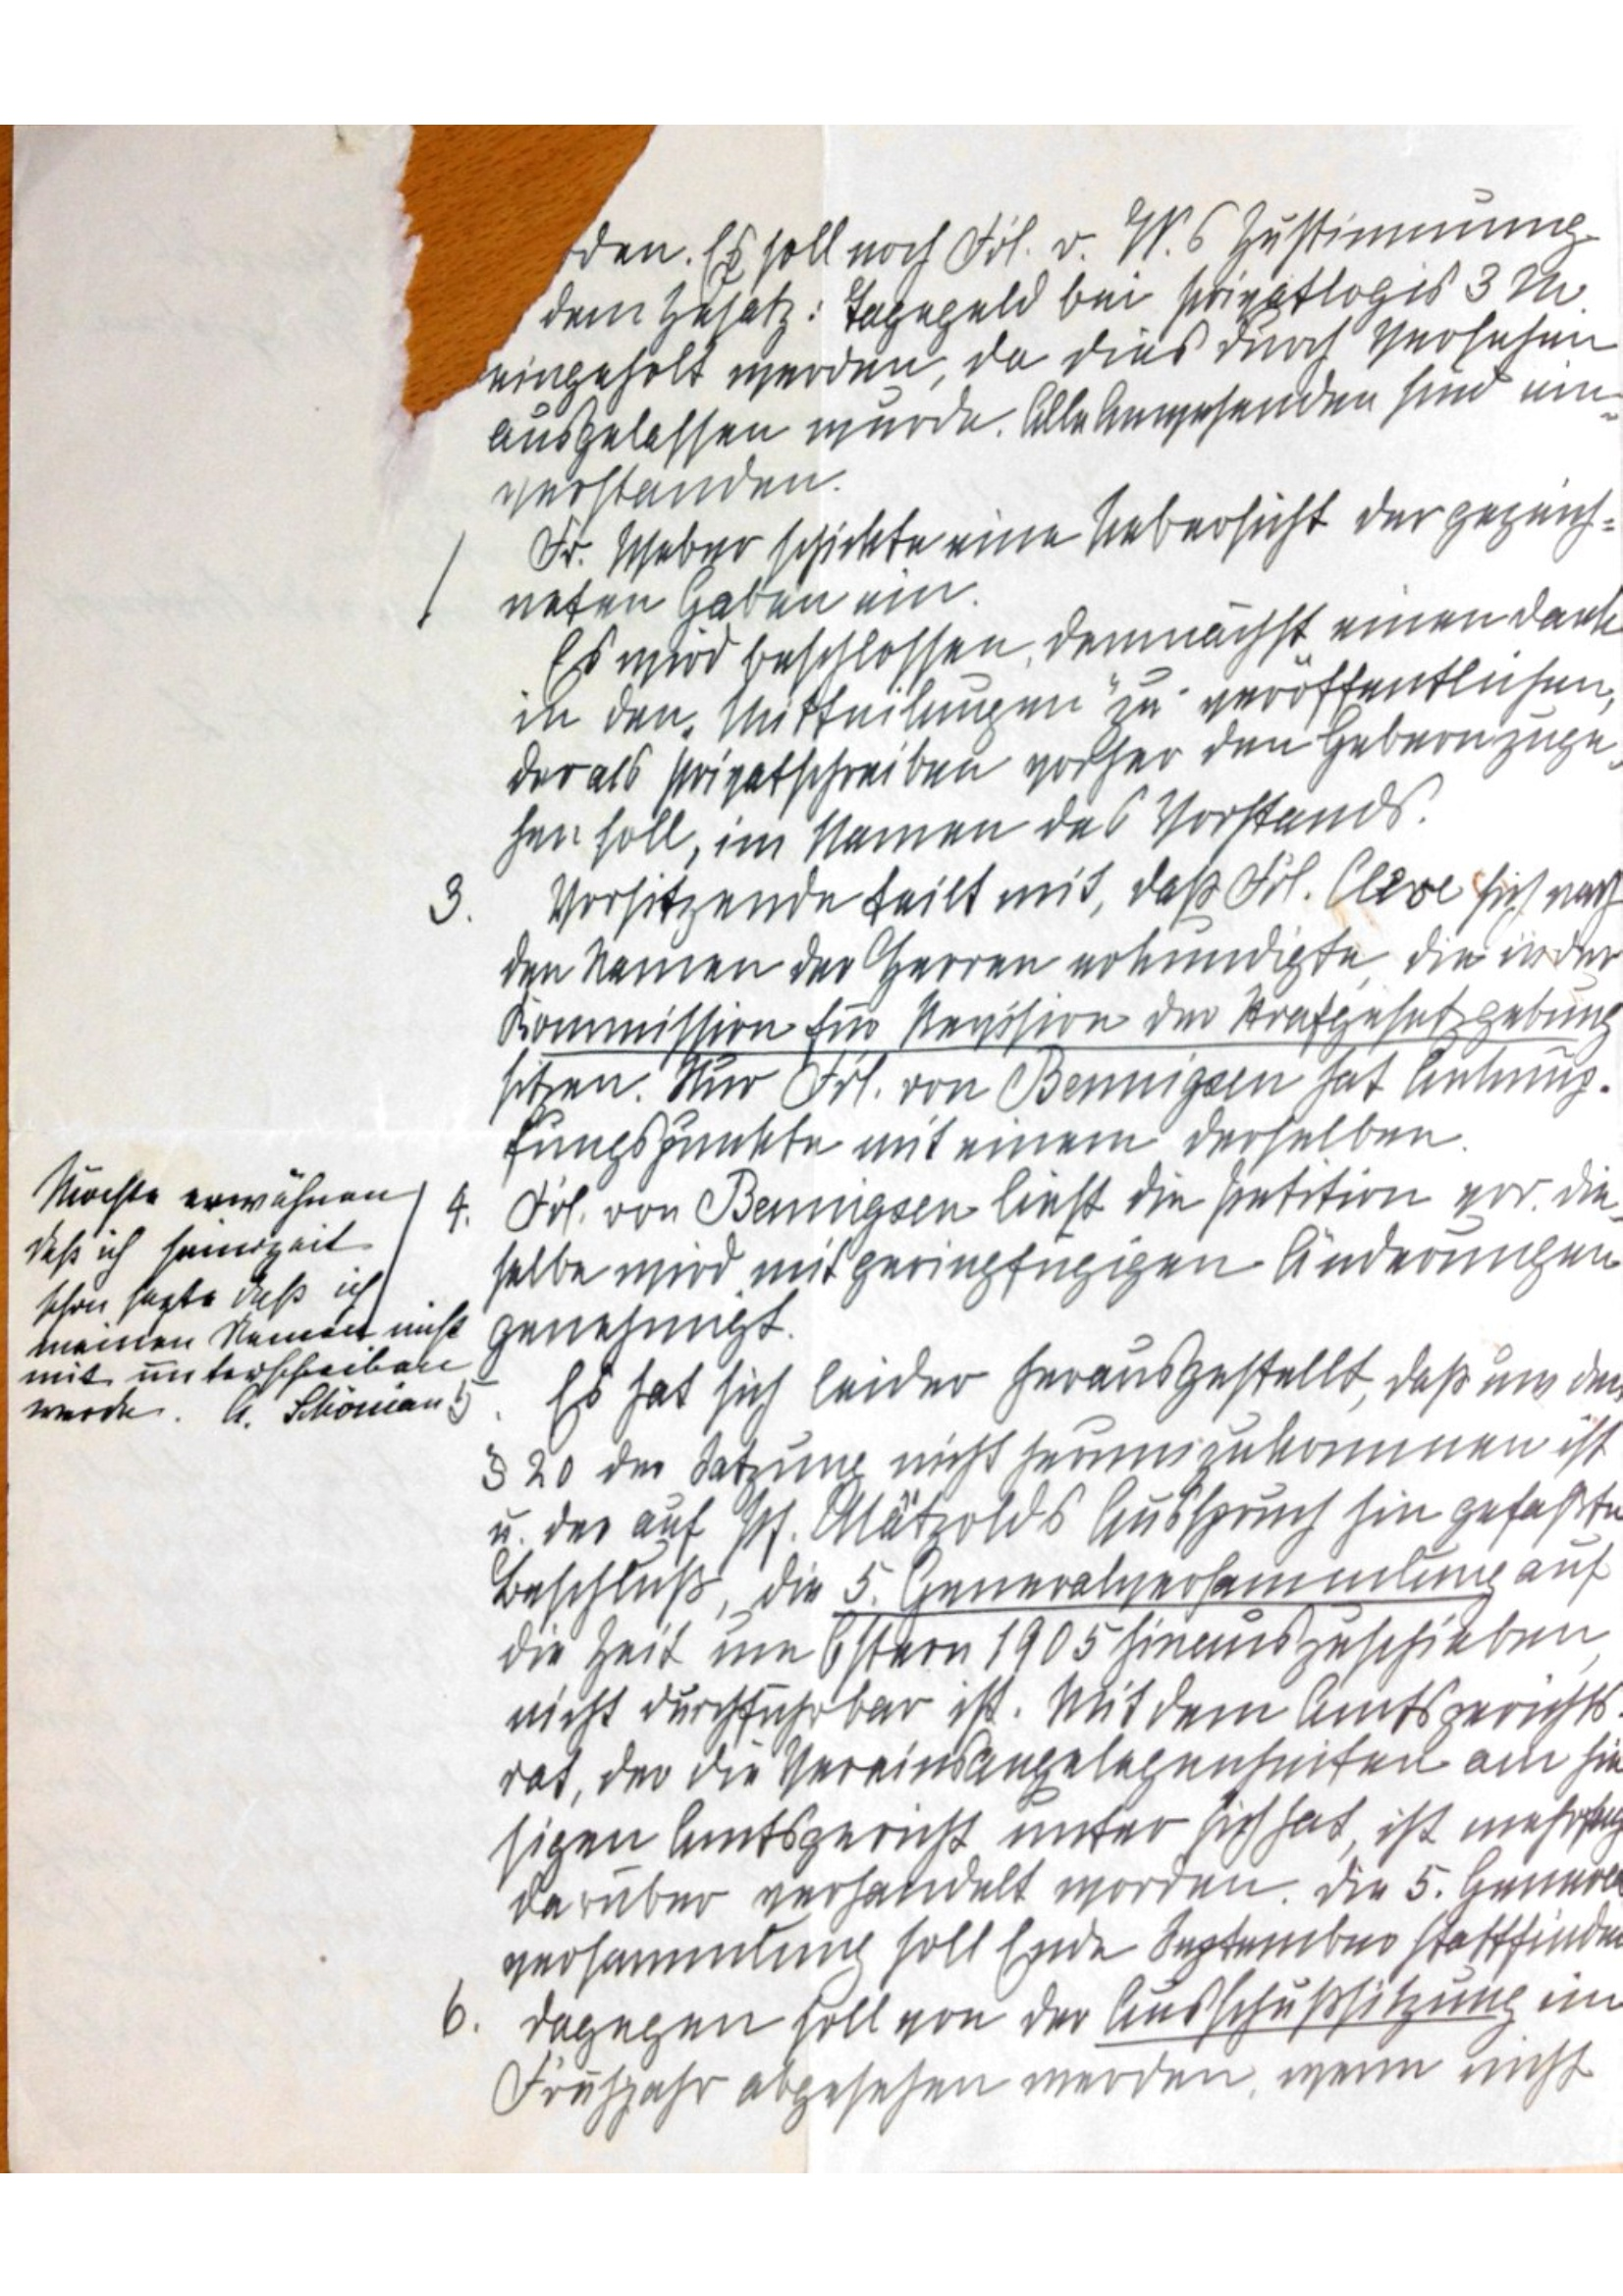Möchte erwähnen
daß ich seinerzeit
schon sagte, daß ich
meinen Namen nicht
mit unterschreiben
werde A. Schönian
3
6
4
den. Es soll noch Frl. v. Ws Zustimmung
dem Zusatz: Tagegeld bei Privatlogis 3M
eingeholt werden, da dies durch Versehen
einschlossen wurde. Alle Anwesenden sind ein
verstanden.
Fr, Weber schickte eine Übersucht der geig
neten Gaben ein.
Es wird beschlossen demnächst einen Dank
in den Mitteilungen zu veröffentlichen
der als Privatschreiben vorher den Gebern zuge
hen soll, im Namen des Vorstands.
Vorsitzende teilt mit, daß Frl. Cleve sich nach
dem Namen der Herren erkundigte, die in der
Kommistion für Revision der Strafgesetzgebung
sitzen. Nur Frl. von Bennigsen hat Antmug
fungs guntete mit einem derselben
Frl. von Bennigsen liegt die Petition vor, die
selbe wird mit geringfügigen Änderungen
genehmigt.
Es hat sich leider herausgestellt, daß um den
§20 der Satzung nicht herumzukommen ist.
u, der auf Pf. Mätzolds Ausspruch hin gefaßten
Entschluß, die 5. Generalversammlung auf
die Zeit nach Ostern 1905 hinauszuschueben
nicht durchführbar ist. Mit der Amtsgerichts
rat, der die Vereinsangelegenheiten am hie
sigen Amtsgericht unter sich hat ist mehrfach
darüber verhandelt worden. Die 5. General
versammlung soll Ende September stattfinden
Dagegen soll von der Ausschunßsitzung im
Frühjahr abgesehen werden, wenn nicht